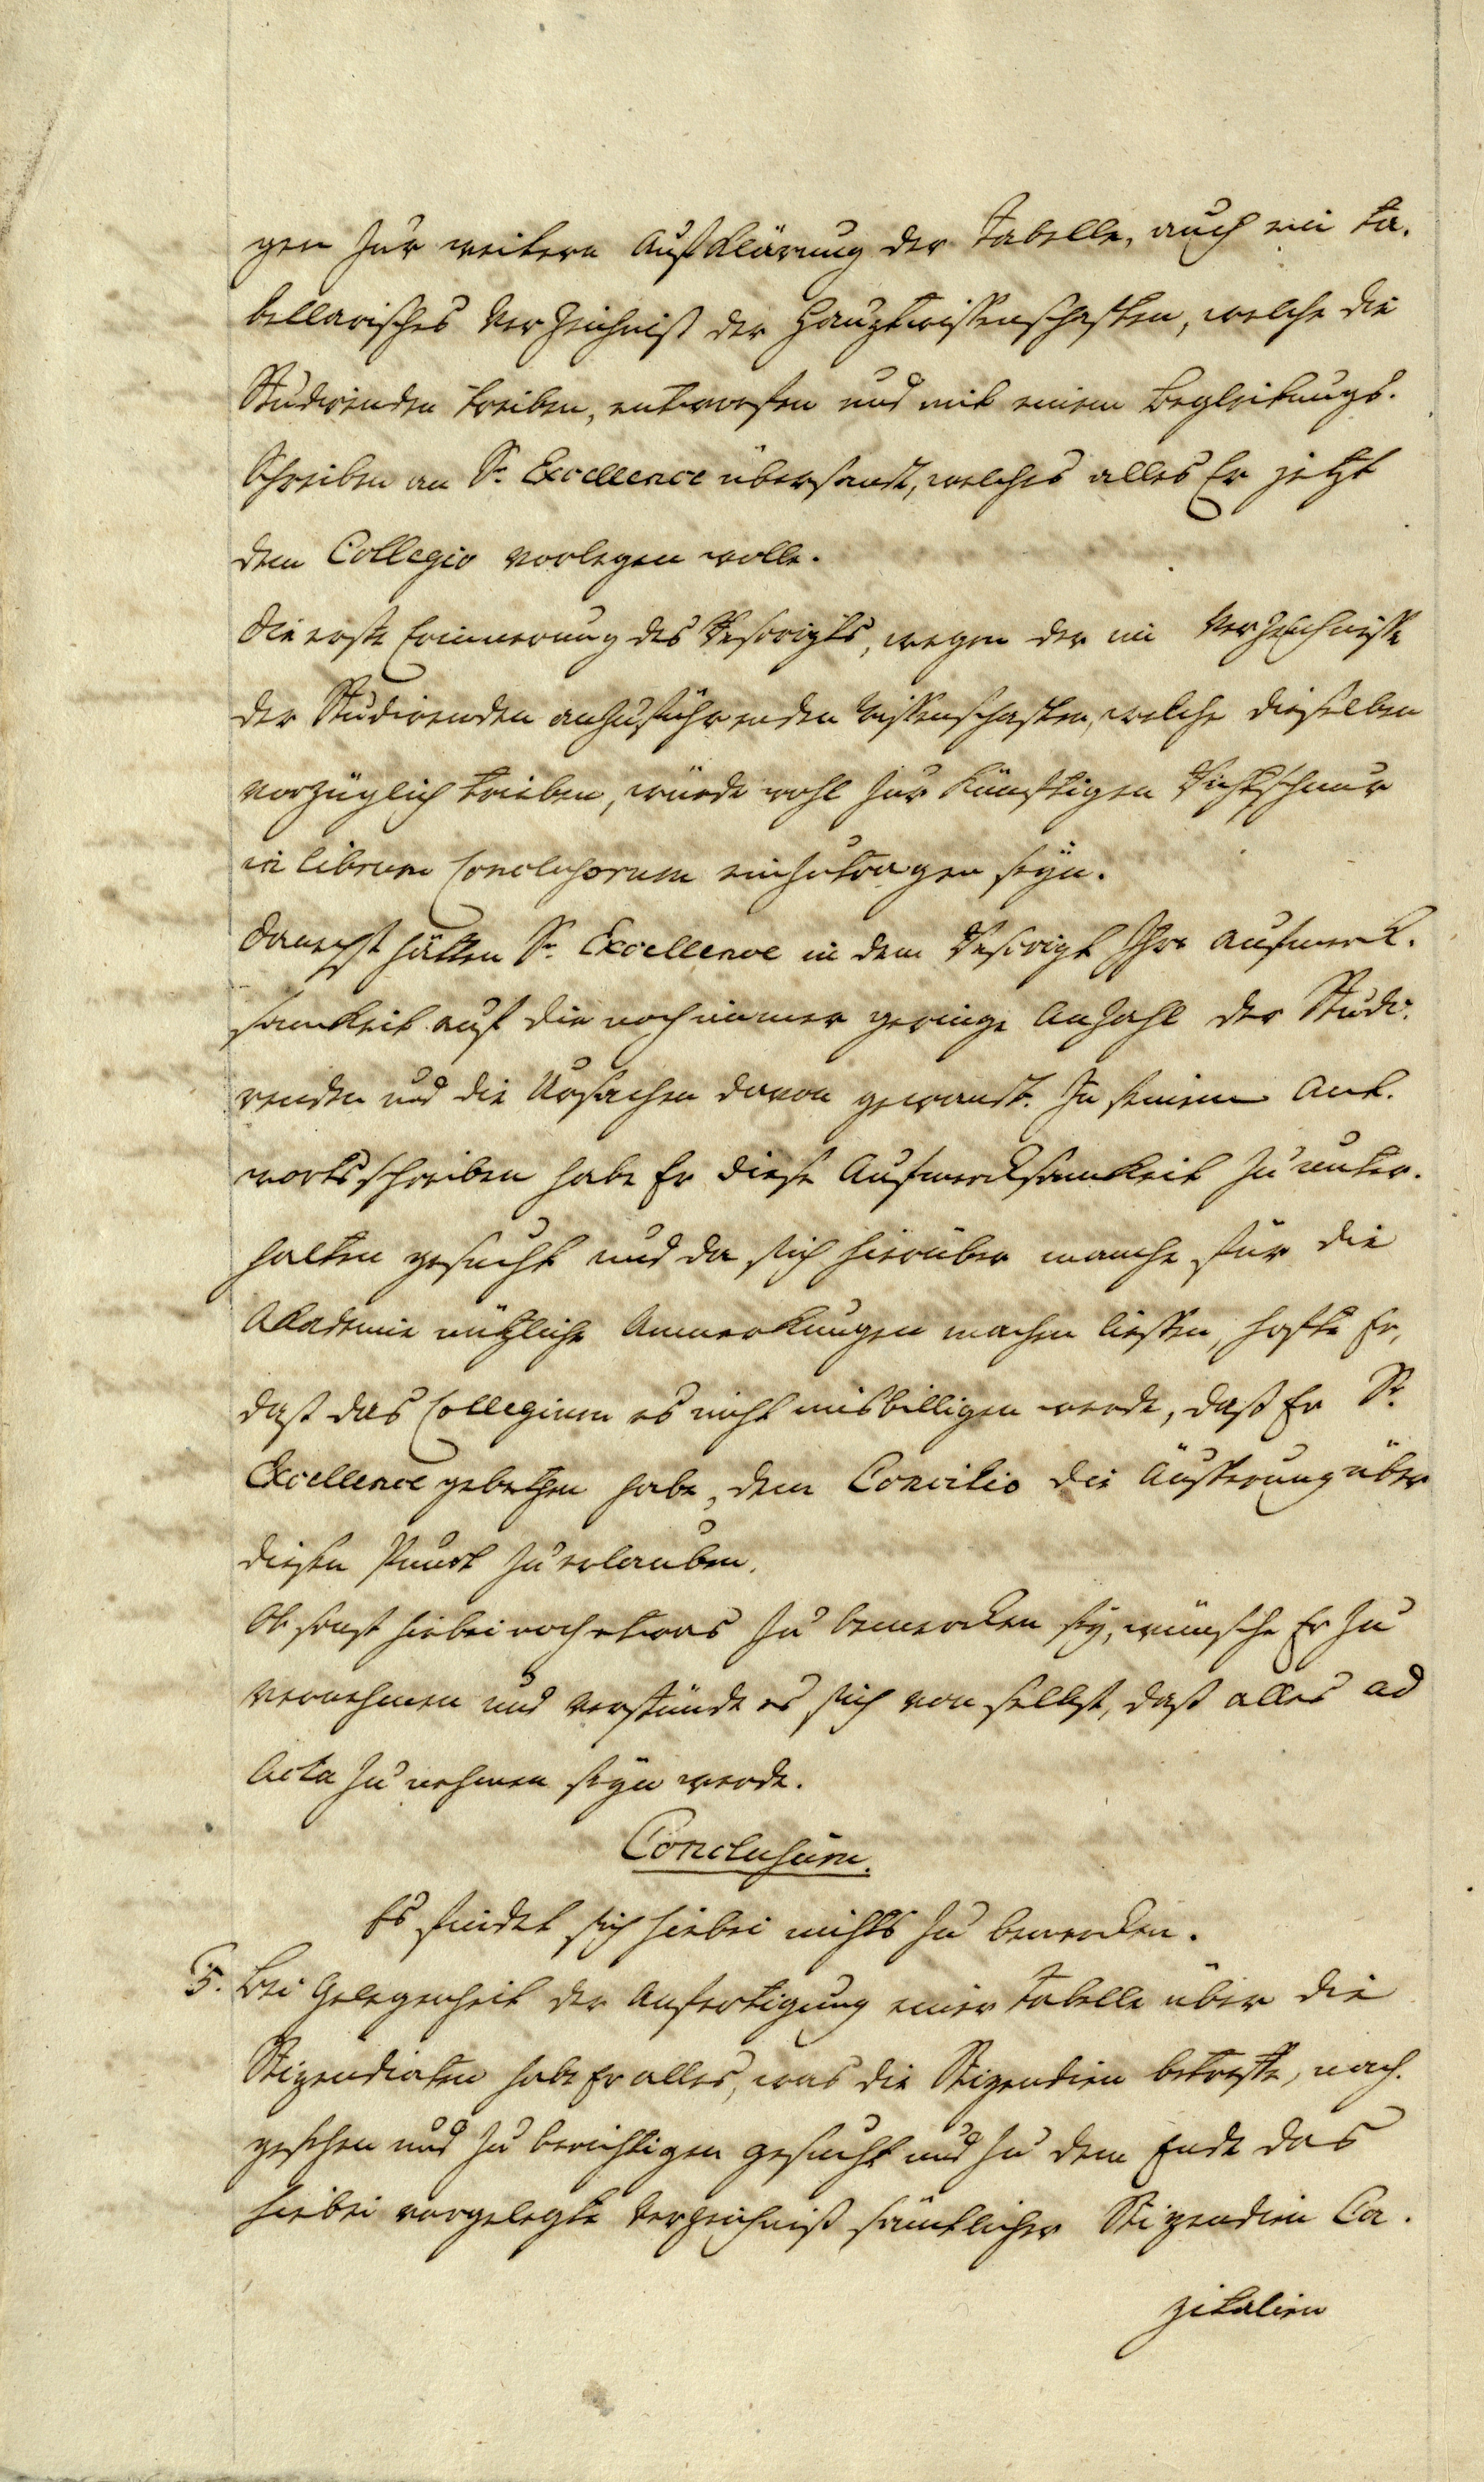gen zur weitern Aufklärung der Tabelle, auch ein ta¬
bellarisches Verzeichniß der Hauptwissenscheften, welche die
Studirenden treiben, entworfen und mit einem Begleitungs¬
Schreiben an Sr Excellence übersandt, welches alles Er jetzt
dem Collegio vorlegen wolle.
Die erste Erinnerung des Rescripts, wegen der in Verzeichnisse
der Studirenden anzuführenden Wissenschaften, welche dieselben
vorzüglich trieben, würde wohl zur künftigen Richtschnur
in librum Conclusorum einzutragen seÿn.
Danechst hätten Sr. Excellence in dem Rescript ihre Aufmerk¬
samkeit auf die noch immer geringe Anzahl der Studi¬
renden und die Ursachen davon gewandt. In seinem Ant¬
wortsschreiben habe Er diese Aufmercksamkeit zu unter¬
halten gesucht und da sich hierüber manche für die
Akademie nützliche Anmerkungen machen liessen, hofte Er,
daß das Collegium es nicht misbilligen werde, daß Er Sr
Excellence gebethen habe, dem Concilio die Äusserung über
diesen Punct zu erlauben.
Ob sonst hiebei noch etwas zu bemercken seÿ, wünsche Er zu
vernehmen und verstünde es sich von selbst, daß alles ad
Acta zu nehmen seÿn werde.
Conclusum.
Es findet sich hiebei nichts zu bemercken.
5. Bei Gelegenheit der Anfertigung einer Tabelle über die
Stipendiaten habe Er alles, was die Stipendien betreffe, nach¬
gesehen und zu berichtigen gesucht und zu dem Ende das
hiebei vorgelegte Verzeichniß sämtlicher Stipendien Ca¬
pitalien